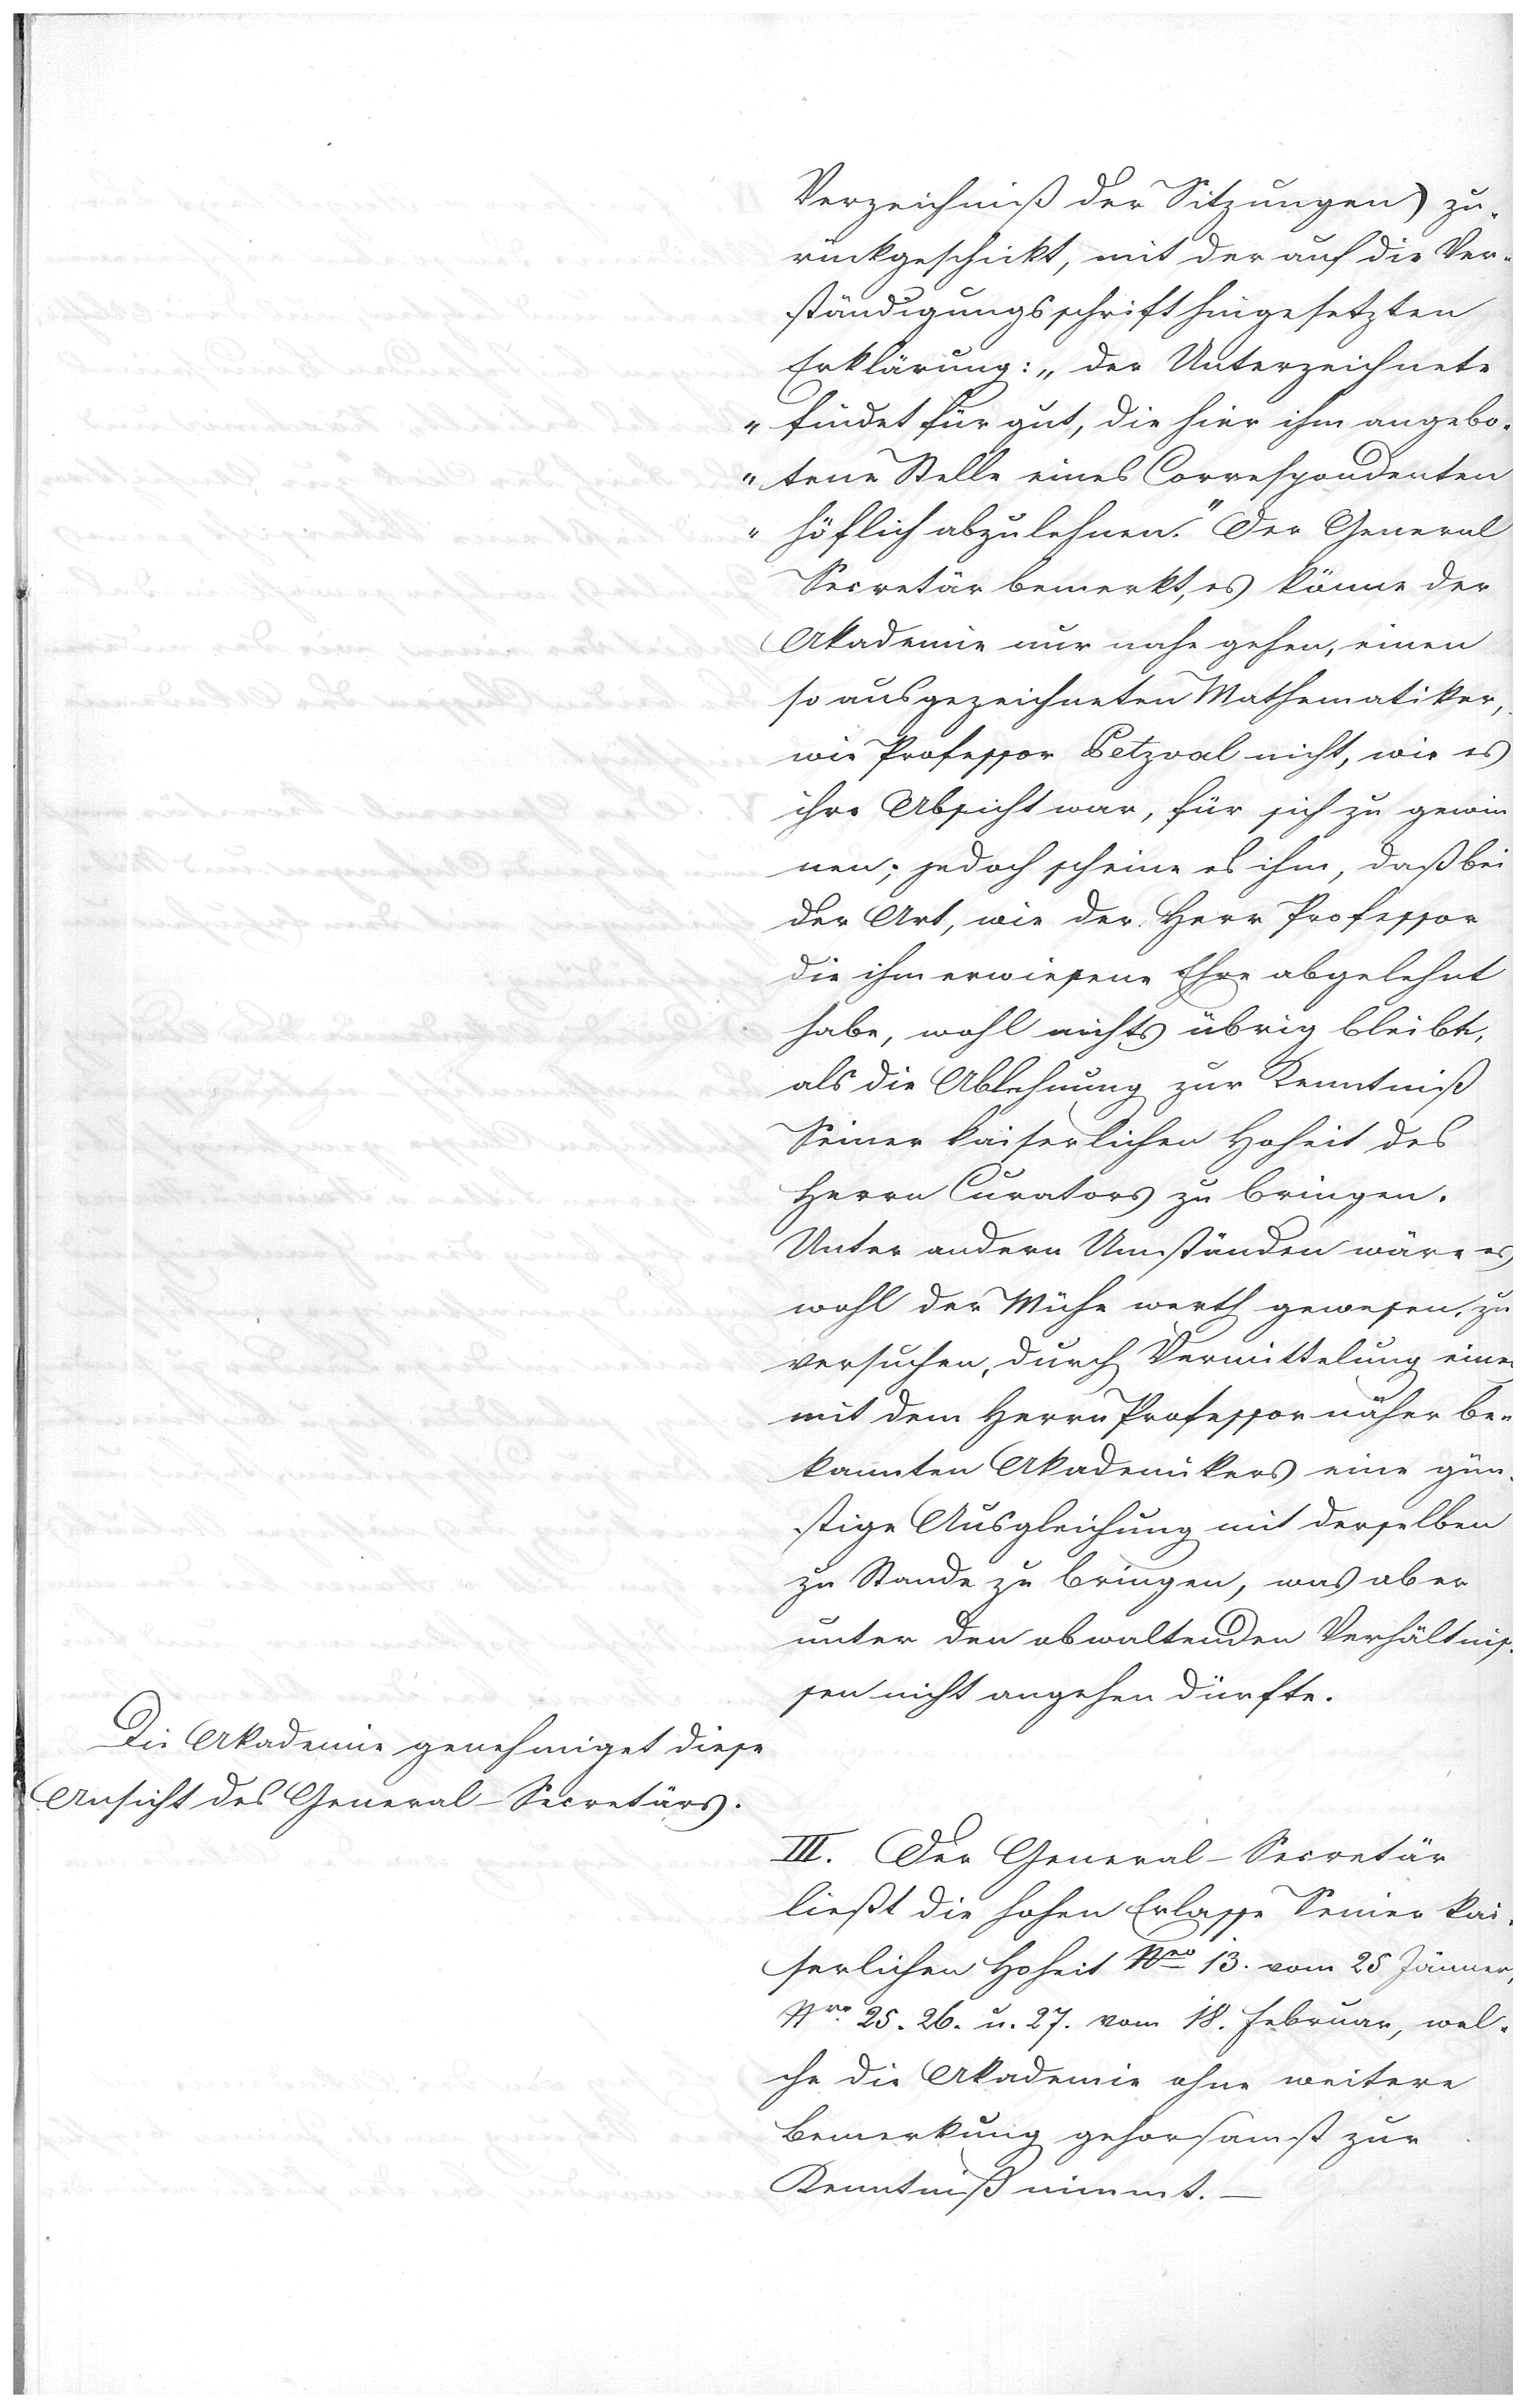Verzeichniß der Sitzungen) zu-
rückgeschickt, mit der auf die Ver-
ständigungsschrift hingesetzten
Erklärung: "Der Unterzeichnete
"findet für gut, die hier ihm angebo-
"tene Stelle eines Correspondenten
"höflich abzulehnen." Der General-
Secretär bemerkt, es könne der
Akademie nur nahe gehen, einen
so ausgezeichneten Mathematiker,
wie Professor Petzval nicht, wie es
ihre Absicht war, für sich zu gewin-
nen; jedoch scheine es ihm, daß bei
der Art, wie der Herr Professor
die ihm erwiesene Ehre abgelehnt
habe, wohl nichts übrig bleibt,
als die Ablehnung zur Kenntniß
Seiner kaiserliche Hoheit des
Herrn Curators zu bringen.
Unter andern Umständen wäre es
wohl der Mühe werth gewesen, zu
versuchen, durch Vermittelung eines
mit dem Herrn professor näher be-
kannten Akademikers eine gün-
stige Ausgleichung mit derselben
zu Stande zu bringen, was aber
unter den obwaltenden Verhältnis-
sen nicht angehen dürfte.
Die Akademie genehmiget diese
Ansicht des General-Secretärs.
III. Der General-Secretär
ließt die hohen Erlasse Seiner Kai-
serlichen Hoheit Nro. 13. vom 25. Jänner,
Nro. 25. 26. u. 27. vom 18. Februar, wel-
che die Akademie ohne weitere
Bemerkung gehorsamst zur
Kenntniß nimmt.